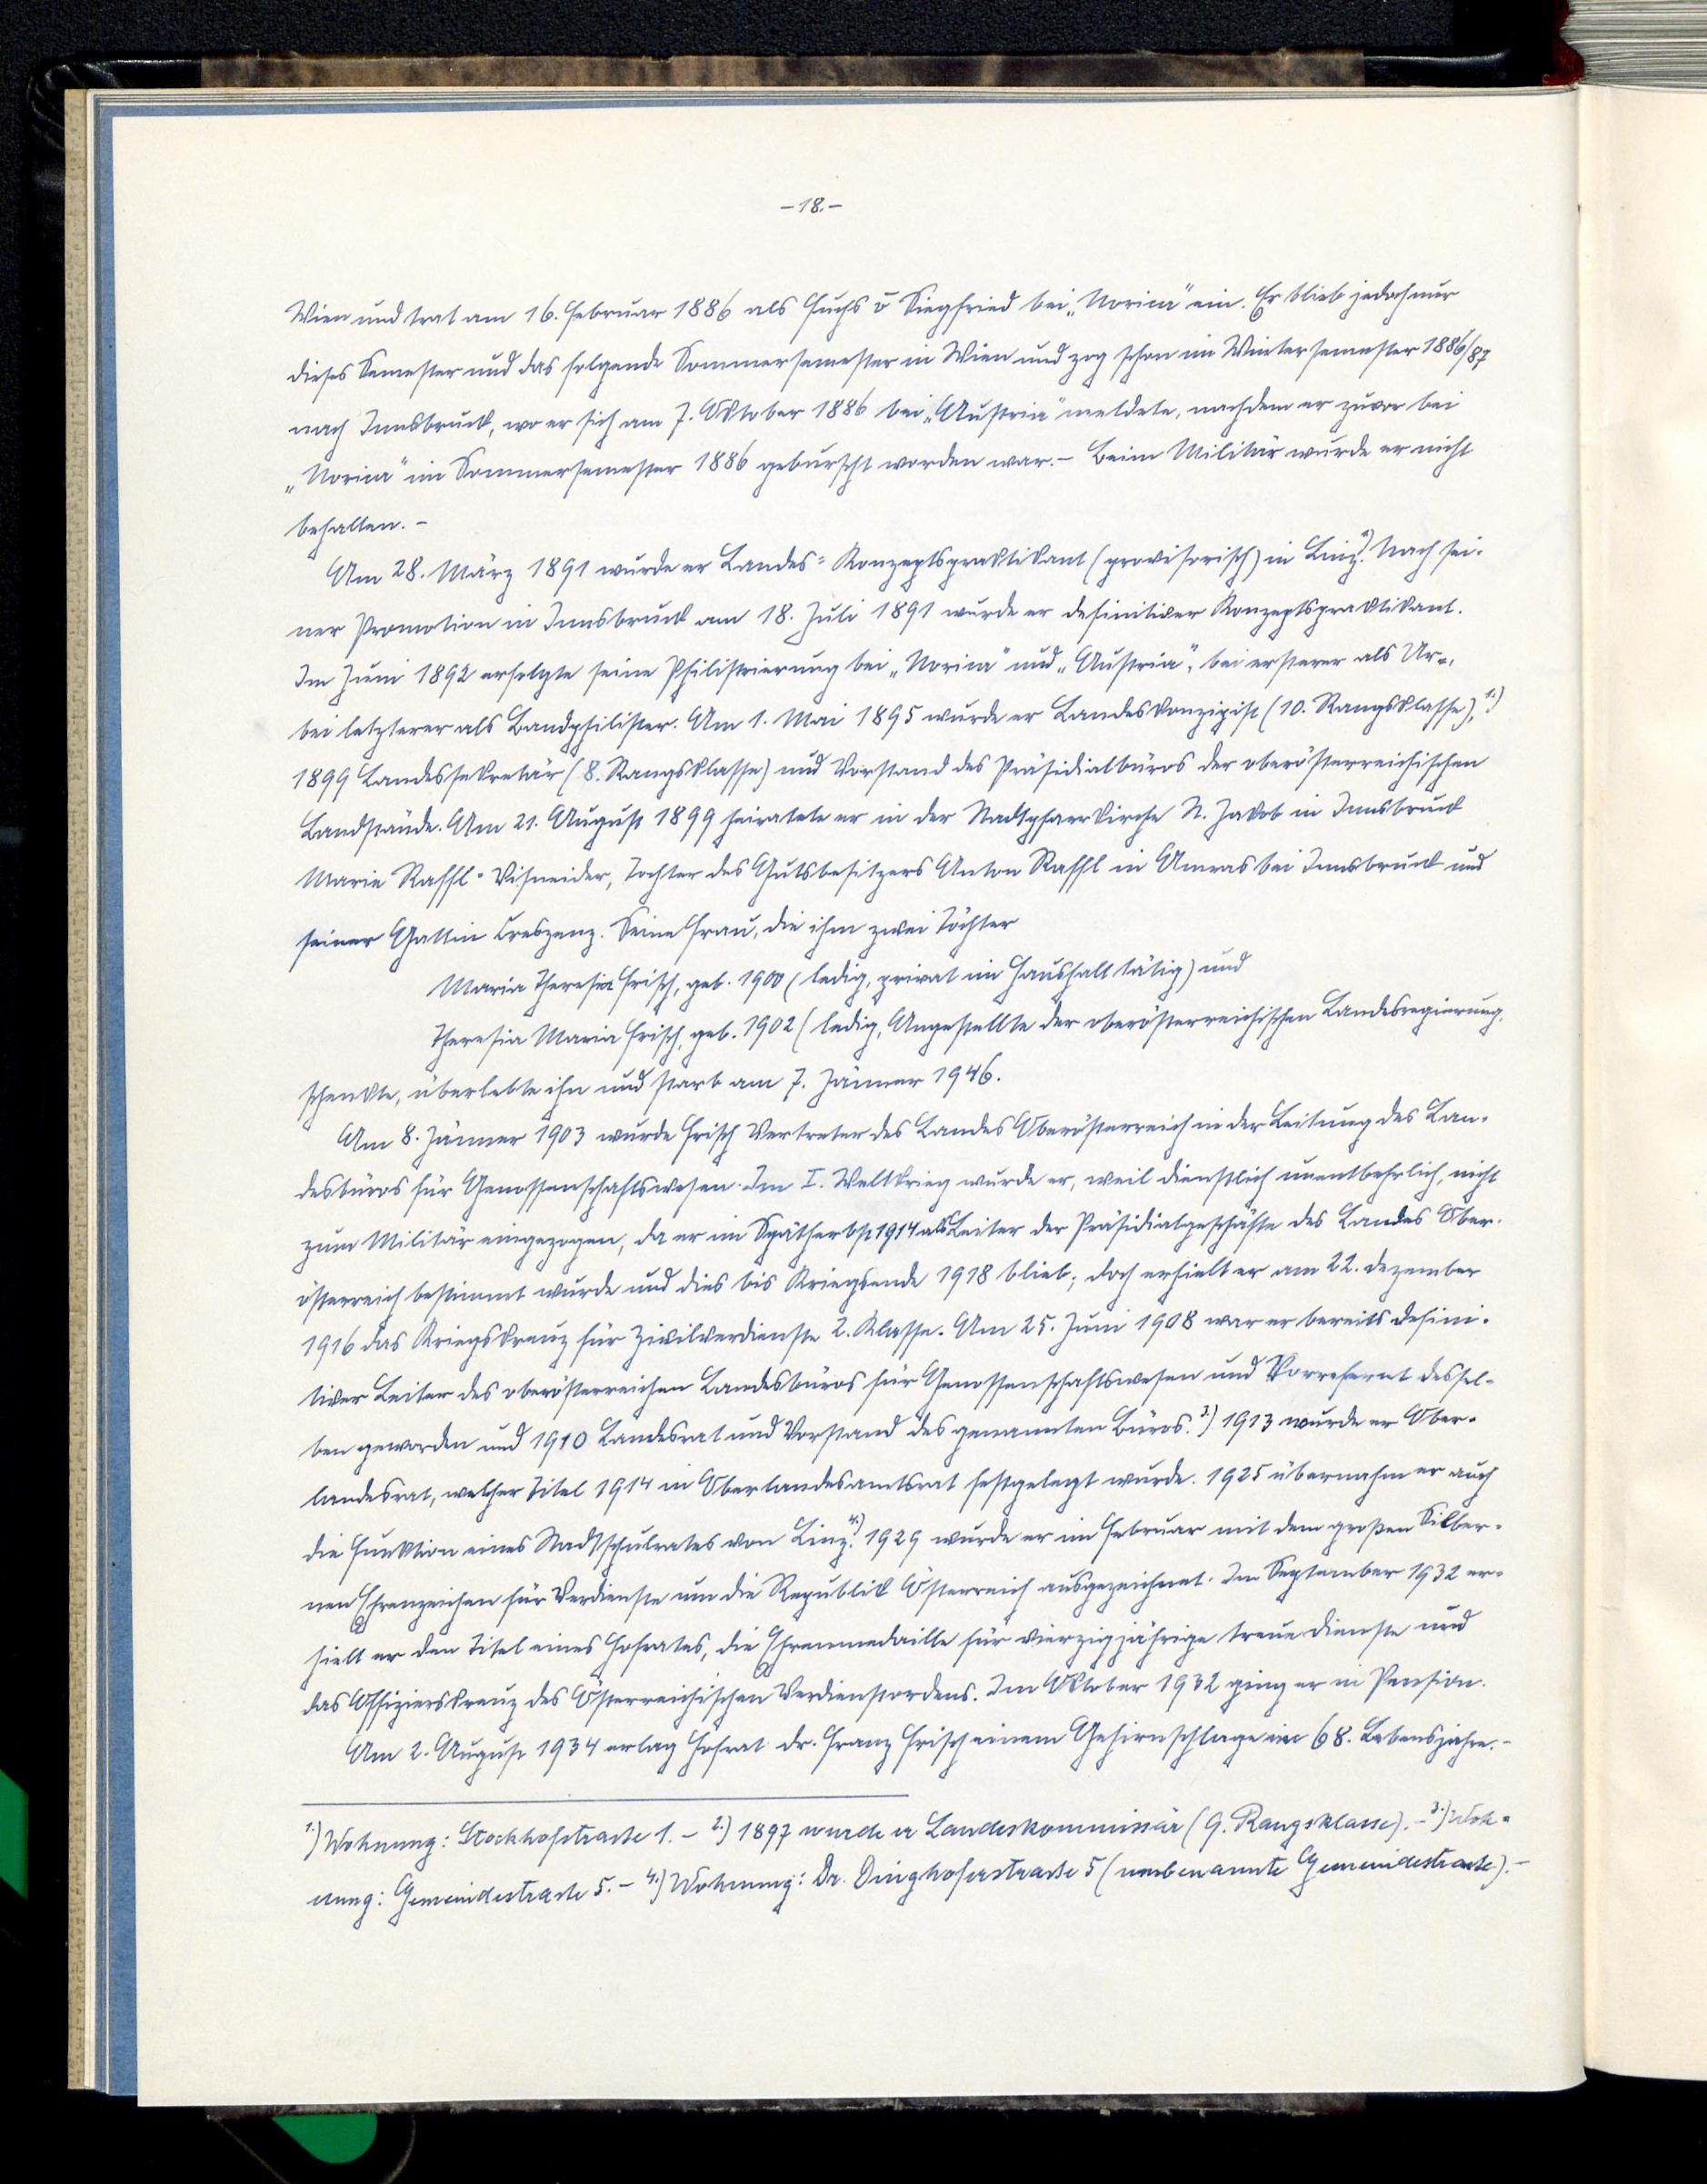18
Wien und trat dort am 16. Februar 1886 als Fuchs v/o Siegfried bei „Norica“ ein. Er blieb jedoch nur
dieses Semester und das folgende Sommersemester in Wien und zog schon im Wintersemester 1886/87
nach Innsbruck, wo er sich am 7. Oktober 1886 bei „Austria“ meldete, nachdem er zuvor bei
„Norica“ im Sommersemester 1886 geburscht worden war. Beim Militär wurde er nicht
behalten.
Am 28. März 1891 wurde er Landes- Konzeptspraktikant (provisorisch) in Linz 1). Nach sei-
ner Promotion in Innsbruck am 18. Juli 1891 wurde er definitiver Konzeptspraktikant.
Im Juni 1892 erfolgte seine Philistrierung bei „Norica“ und „Austria“, bei ersterer als Ur-,
bei letzterer als Bandphilister. Am 1. Mai 1885 wurde er Landeskonzipist (10. Rangsklasse), 1)
1899 Landessekretär (8. Rangsklasse) und Vorstand des Präsidialbüros der oberösterreichischen
Landstände. Am 21. August 1899 heiratete er in der Stadtpfarrkirche St. Jakob in Innsbruck
Maria Raffl - Visneider, Tochter des Gutsbesitzers Anton Raffl in Amras bei Innsbruck und
seiner Gattin Creszenz. Seine Frau, die ihm zwei Töchter
Maria Theresia Frisch, geboren 1900 (ledig, privat im Haushalt tätig) und
Theresia Maria Frisch, geboren 1902 (ledig, Angestellte der oberösterreichischen Landesregierung
schenkte überlebte ihn und starb am 7. Jänner 1946
Am 8. Jänner 1903 wurde frisch Vertreter des Landes Oberösterreich in der Leitung des Lan-
desbüros für Genossenschaftswesen. Im I. Weltkrieg wurde er, weil dienstlich unentbehrlich, nicht
zum Militär eingezogen, da er im Spätherbst 1914 als Leiter der Präsidialgeschäfte des Landes Ober-
österreich bestimmt wurde und dies bis Kriegsende 1918 blieb; doch erhielt er am 22. Dezember
1916 dss Kriegskreuz für Zivilverdienste 2. Klasse. Am 25. Juni 1908 war er bereits defini-
tiver Leiter des oberösterreichischen Landesbüros für Genossenschaftswesen und Vorreferent dessel-
ben geworden und 1910 Landesrat und Vorstand des genannten Büros. 3) 1913 wurde er Ober
landesrat, welcher Titel 1914 in Oberlandesamtsrat festgelegt wurde. 1925 übernahm er auch
die Funktion eines Stadtschulrates von Linz. 4) 1929 wurde er im Februar mit dem großen Silber-
nen Ehrenzeichen für Verdienste um die Republik Österreich ausgezeichnet. Im September 1932 er-
hielt er den Titel eines Hofrates, die Ehrenmedaille für vierzig jährige treue Dienste und
das Offizierskreuz des Österreichischen Verdienstordens. Im Oktober 1932 ging er in Pension.
Am 2. August 1934 erlag Hofrat Dr. Franz Frisch einen Gehinrschlage im 68. Lebensjahr.
1) Wohnung: Stockhofstraße 1.- 2) 1897 wurde er Landeskommissär (9. Rangsklasse).- 3) Woh-
nung: Gemeindestraße 5.- 6) Wohnung: Dr. Dinghoferstraße 5 (umbenannte Gemeindestraße).